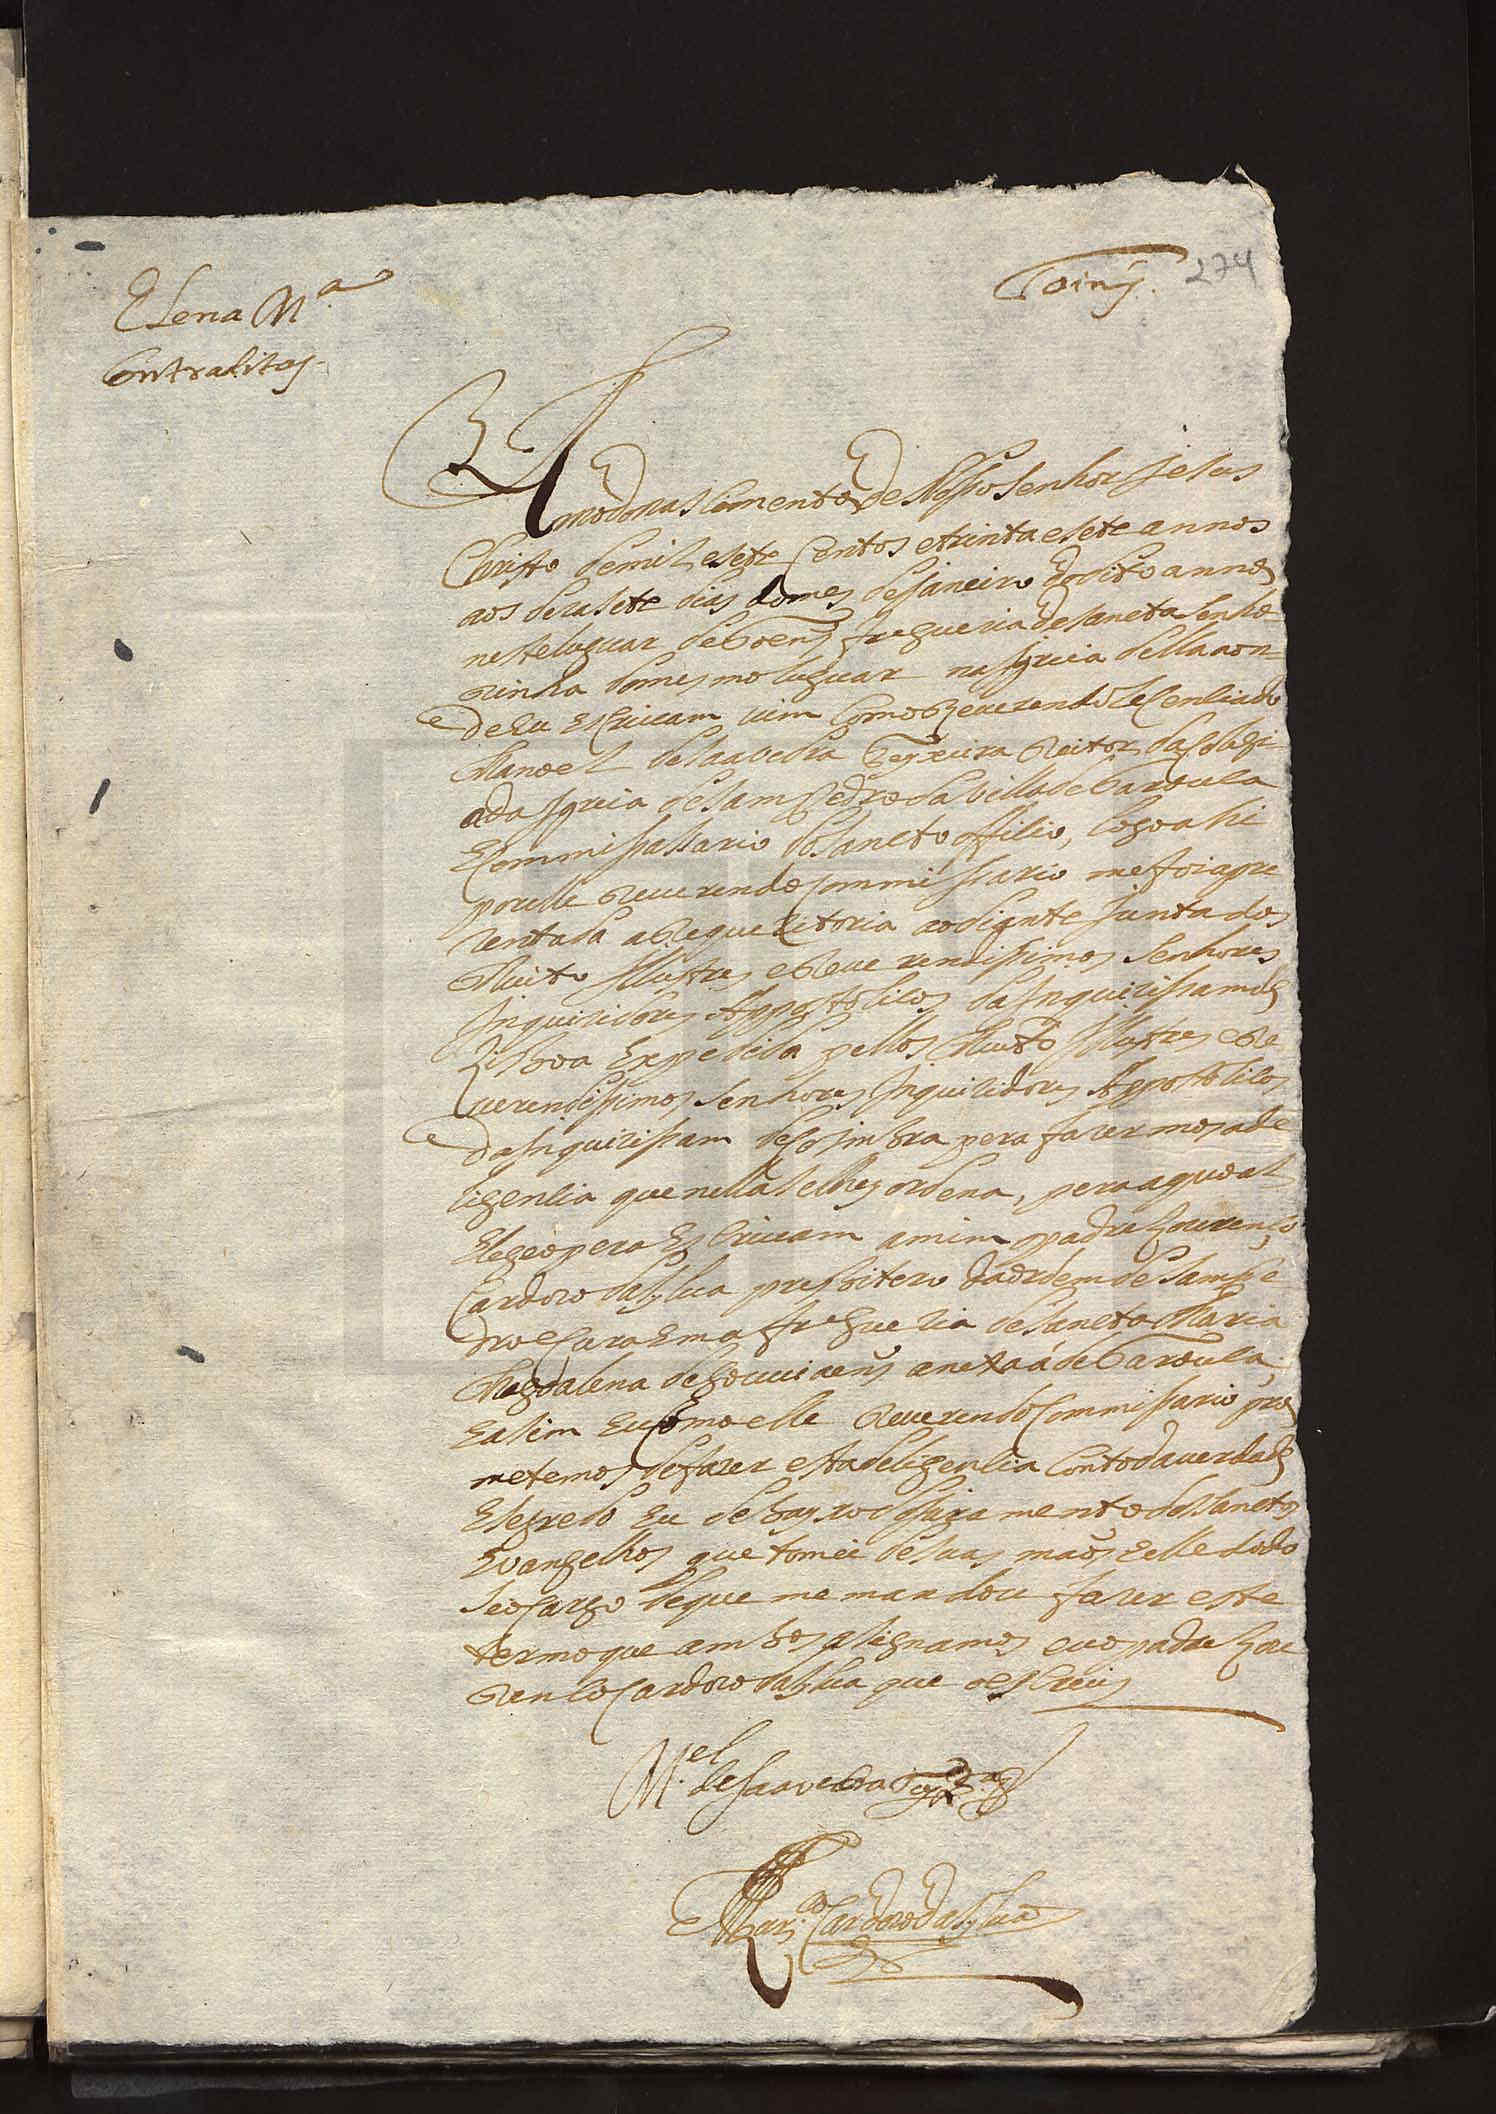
ELena M.a
Contraditas
Toins̄
Anno do nascimento de Nosso senhor Jesus
Christo de mil e seteCentos e trinta e sete annos
aos dezasete dias do mes de janeiro do dito anno
neste luguar de Toens̄ freguezia de sancta Senho
rinha do mesmo luguar na Jgreia della aon
de Eu EsCriuam uim Com o Reuerendo ReConciado
Manoel de Saavedra Teyxeira Reitor da Colegi
ada Jgreia de Sam Pedro da villa de Tarouca
E Commissassario do Sancto officio, logo ahi
por elle Reuerendo Commissario me foi apre
zentada a Requezitoria ao Signte Junta dos
Muito Jllustres e reuerendissimos senhores
Jnquizidores Appostolicos da Jnquizissam de
Lisboa Expedida pellos Muito Jllustres e Re
uerendissimos senhores Jnquizidores Appostolicos
da Jnquizissam de Coimbra pera fazermos a de
ligencia que nella se lhes ordena, pera a quoal
Elegeo pera Ezcriuam a mim o padre Lourenço
Cardozo da Silua presbitero da ordem de Sam pe
dro e Cura Em a freguezia de Sancta Maria
Magdalena de Gouuiaen̄s anexa á de Tarouca;
E asim Eu Como elle Reuerendo Commissario pro
metemos de fazer esta deligencia Con toda uerdade
E segredo Eu debayxo do juramento dos sanctos
Evangelhos que tomei de suas maos E elle sob o
seo Cargo de que me mandou fazer este
termo que ambos asignamos eu o padre Lou
renco Cardozo da Sylva que o escreuj
M.el de Saavedra Teyx.ra
Lor.co Cardozo da Sylua
